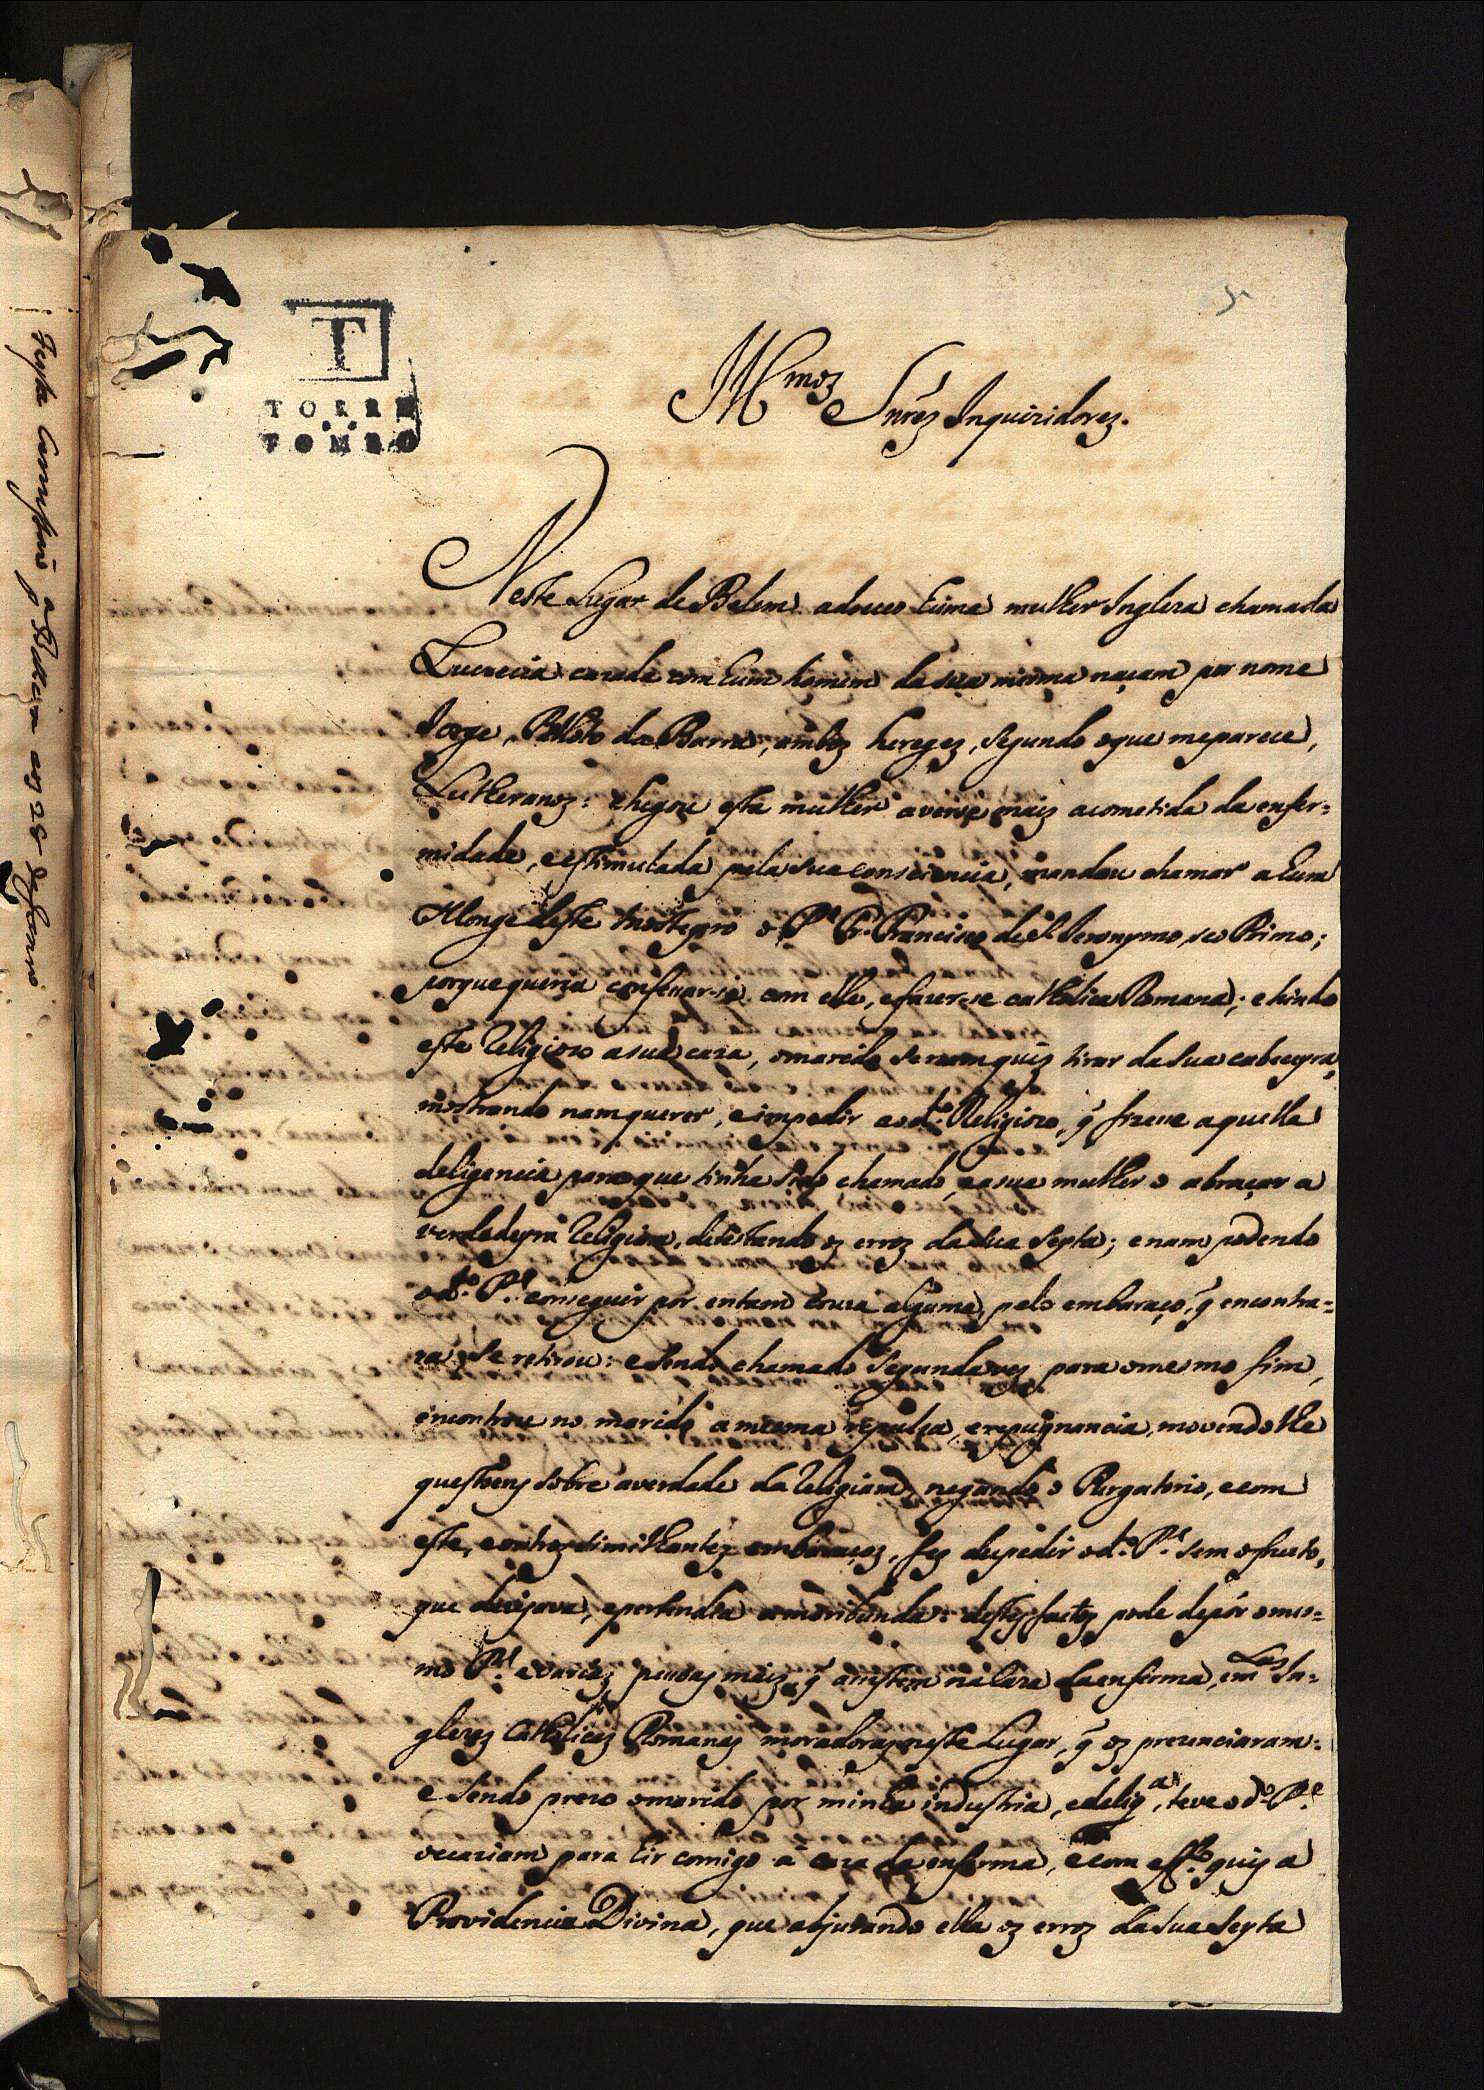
Il.moz Snr̄ez Inquizidorez.
Neste Lugar de Belem adoeceo huma mulher Ingleza chamada
Lucrecia cazada com hum homem da sua mesma naçam por nome
Iorge, Pilloto da Barra, amboz heregez, segundo o que me parece,
Lutheranos: chegou esta mulher a verse maiz acometida da enfer
midade, e estimulada pela sua consciencia, mandou chamar a hum
Monge deste mosteyro o P.e F. Francisco de S Ieronymo seo Primo;
porque queria confessar-se com elle, e fazer-se catholica Romana; e hindo
este Religiozo a sua caza, o marido se nam quiz tirar da sua cabeceyra,
mostrando nam querer, e impedir ao d.o Religiozo, q̄ fizese aquella
deligencia para que tinha sido chamado, e a sua mulher o abraçar a
verdadeyra Religiam, detestando oz erroz da sua seyta; e nam podendo
o d̄.o P.e conseguir por entam couza alguma, pelo embaraço, q̄ encontra
ra se retirou: e sendo chamado segunda vez para o mesmo fim,
encontrou no marido a mesma repulsa, e repugnancia, movendolhe
questoens sobre a verdade da Religiam negando o Purgatorio, e em
este, e outroz similhantes embaraçoz, fez despedir o d̄.o P.e sem o fruto,
que dezejava, e pertendia a moribunda destes factoz pode depór o mes
mo P.e a variaz pessoas maiz q̄ assistem na Caza da enferma, e m.tas In
glezaz Catholicaz Romanaz moradoraz neste Lugar, q̄ oz prezenciaram
e sendo prezo o marido por minha industria, e delig.as, teve o d.o P.e
occaziam para hir comigo a caza da enferma, e com eff.to quis a
Providencia Divina, que abjurando ella oz erroz da Sua Seyta
